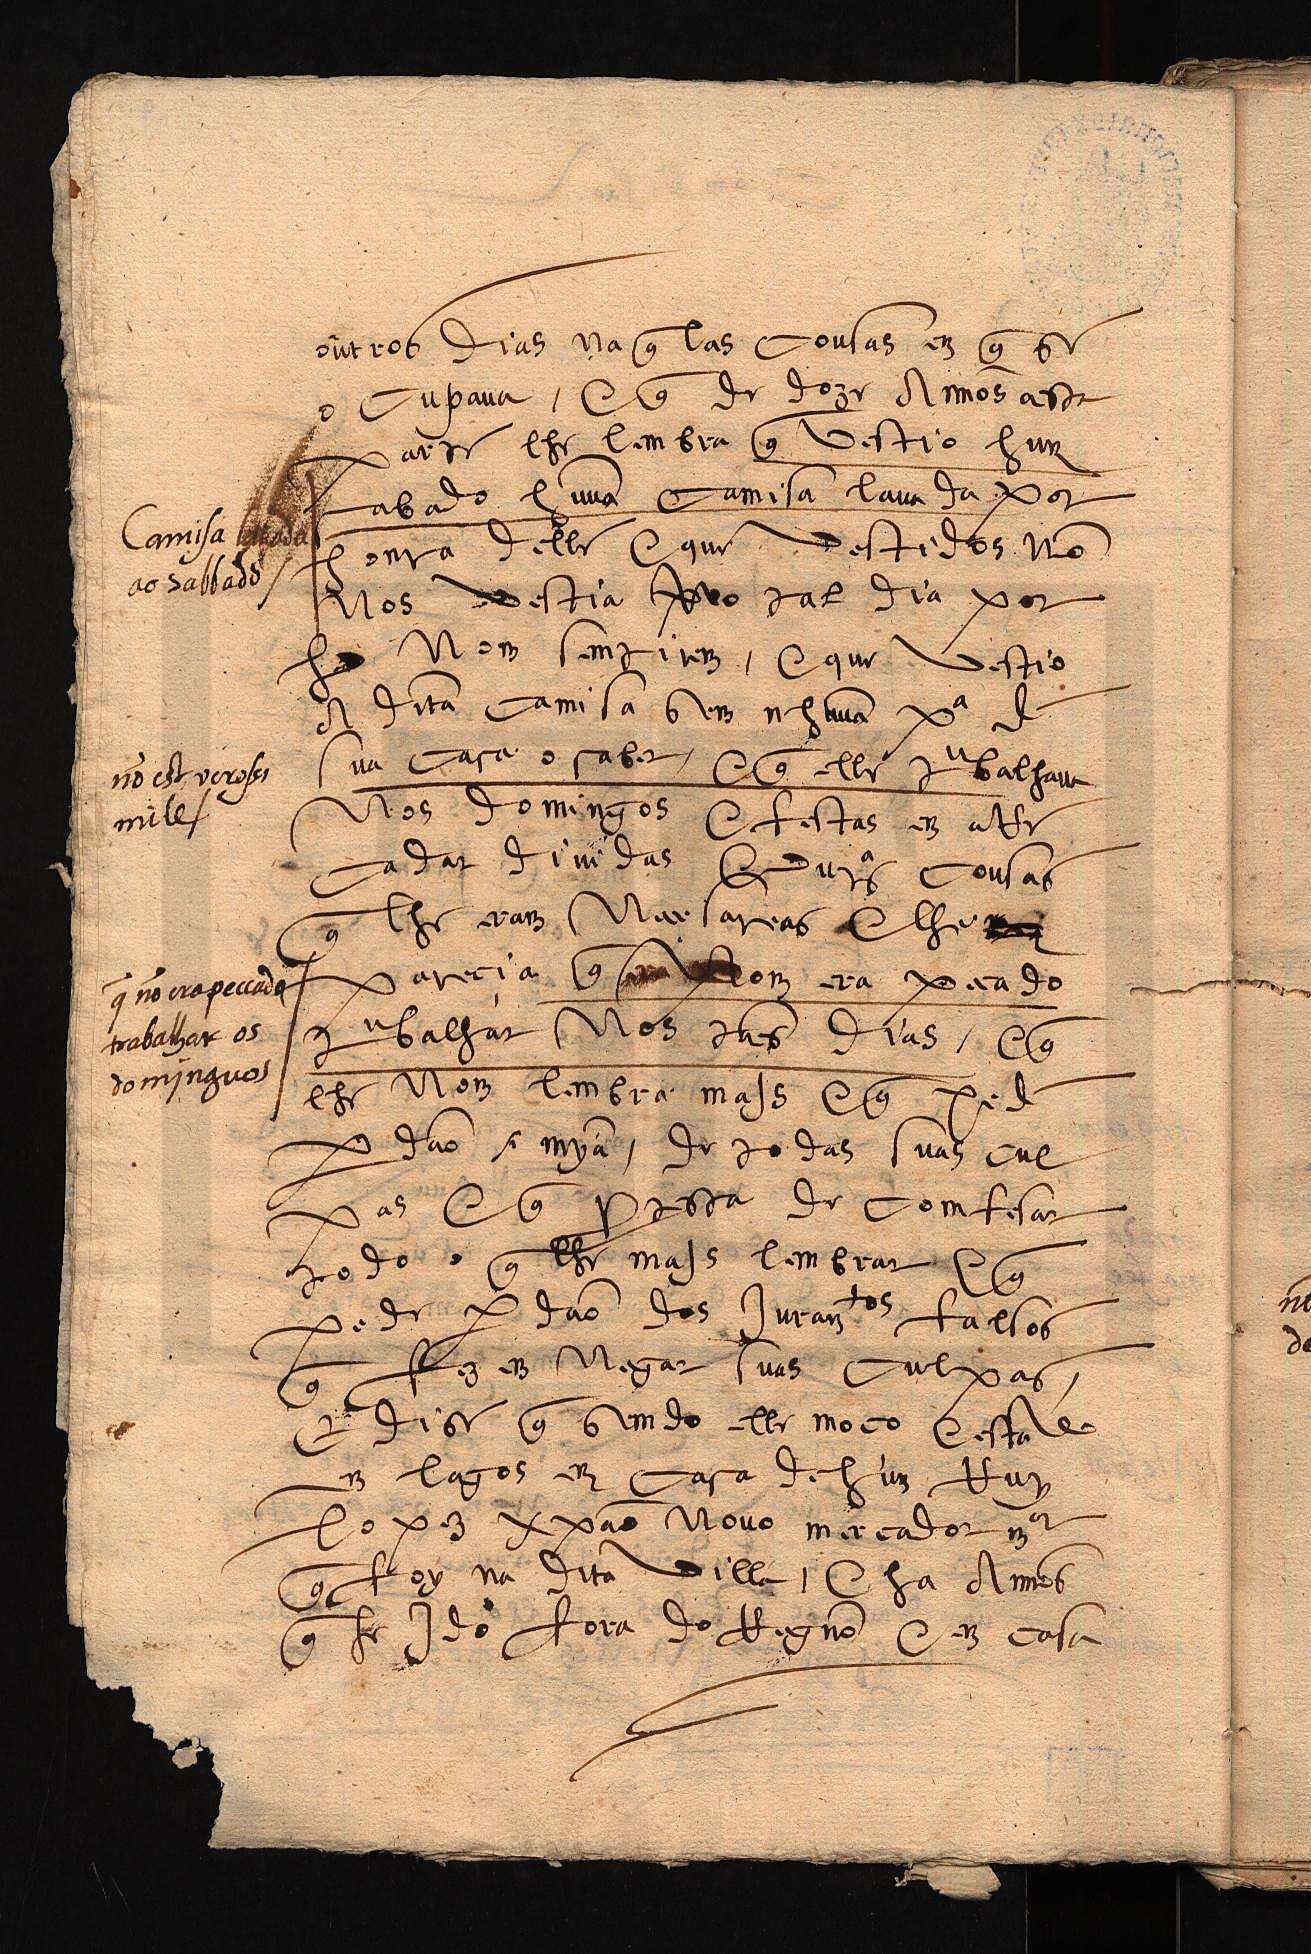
outros dias naq̅las Cousas em q̅ se
oCupaua / e q̅ de doze Anno̅s a esta
parte lhe lembra q̅ vestio hum
sabado hu̅ua Camisa lauada por
honra delle e q̅ vestidos no̅
Nos vestia No tal dia por
ho Nom semtirem / e que vestio
A di̅ta Camisa sem nhu̅ua pa de
sua Casa o saber / e q̅ elle t̄balhaua
Nos domingos e festas em aRe
Cadar diuidas e outas Cousas
q̅ lhe eram Neçesareas e lhe
pareçia q̅ era Nom era pecado
t̄balhar Nos ta̅es dias / e q̅
lhe Nom lembra maJs e q̅ pede
ꝑdão e my̅a / de todas suas cul
pas e q̅ ꝓtesta de Comfesar
todo o q̅ lhe maJs lembrar e q̅
pede ꝑdão dos Juramtos falsos
q̅ fez em Negar suas Culpas /
E dise q̅ semdo elle moço e esta̅do
em lagos em Casa de hum Ruy
lopez Xpão Nouo mercador mor
q̅ foy na dita villa / e ha Annōs
q̅ he Jdo fora do Regnō e em casa
